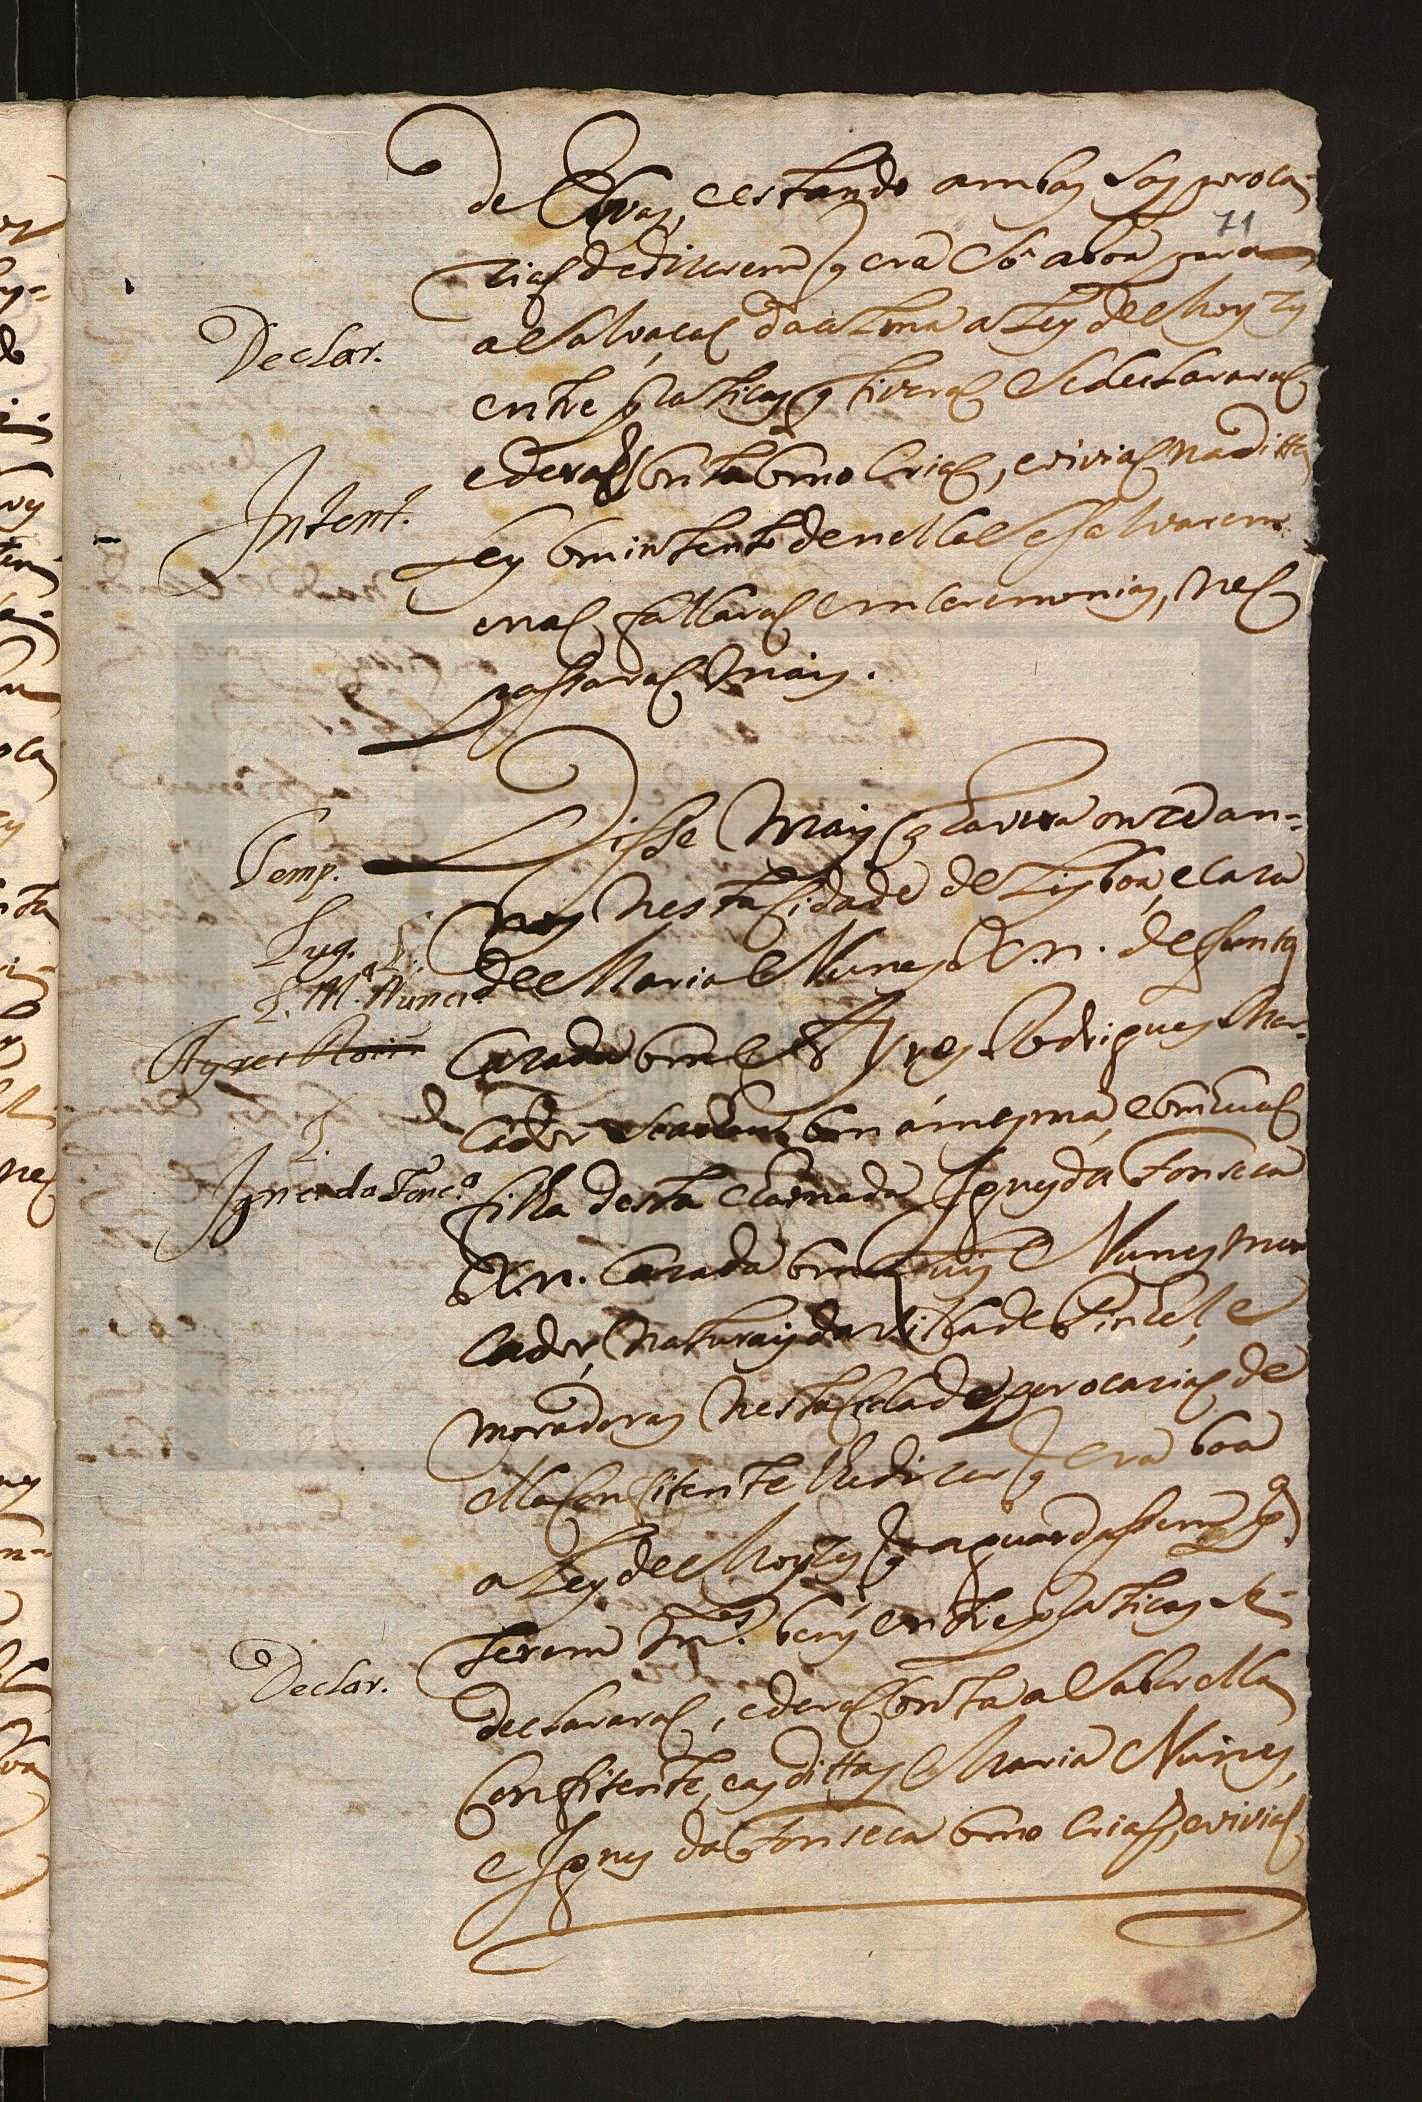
de Elvas, e estando ambos sos por oca
ziaõ de dizerem q̄ era Só a boa para
a Salvaçaõ da aLma a Ley de Moyzes,
Declar.
entre pRaticas q̄ tiveraõ Se declararaõ
e deraõ Conta Como Criaõ, e viviaõ na ditta
Jntent.
Ley Com intento de nella Se salvarem
e naõ fallaraõ em ceremonias, nē
passaraõ mais.
Disse mais q̄ havera onze an
Temp.
nos nesta Cidade de Lisboa, e caza
de Maria Nunes x.n. defunta
Lug.
L. Ma Nunes
Cazada Com Ayres Rodrigues Mer
Ayres Rois̄
cador se achou com a mesma, e com huã
filha desta chamada Jgnes da Fonseca
Jgnes da Fonc.a
x.n. Cazada Com Luis Nunes mer
Cador, naturais da Villa de Pinhel, e
moradoras nesta Cidade por ocaziaõ de
ella Confitente lhe dizer q̄ era boa
a Ley de Moyses q̄ a guardassem pa
terem m.tos bens̄ entre pRaticas se
declararaõ, e deraõ Conta a Saber ella
Declar.
Confitente, e as dittas Maria Nunes,
e Jgnes da Fonseca Como Criaõ, e viviaõ
